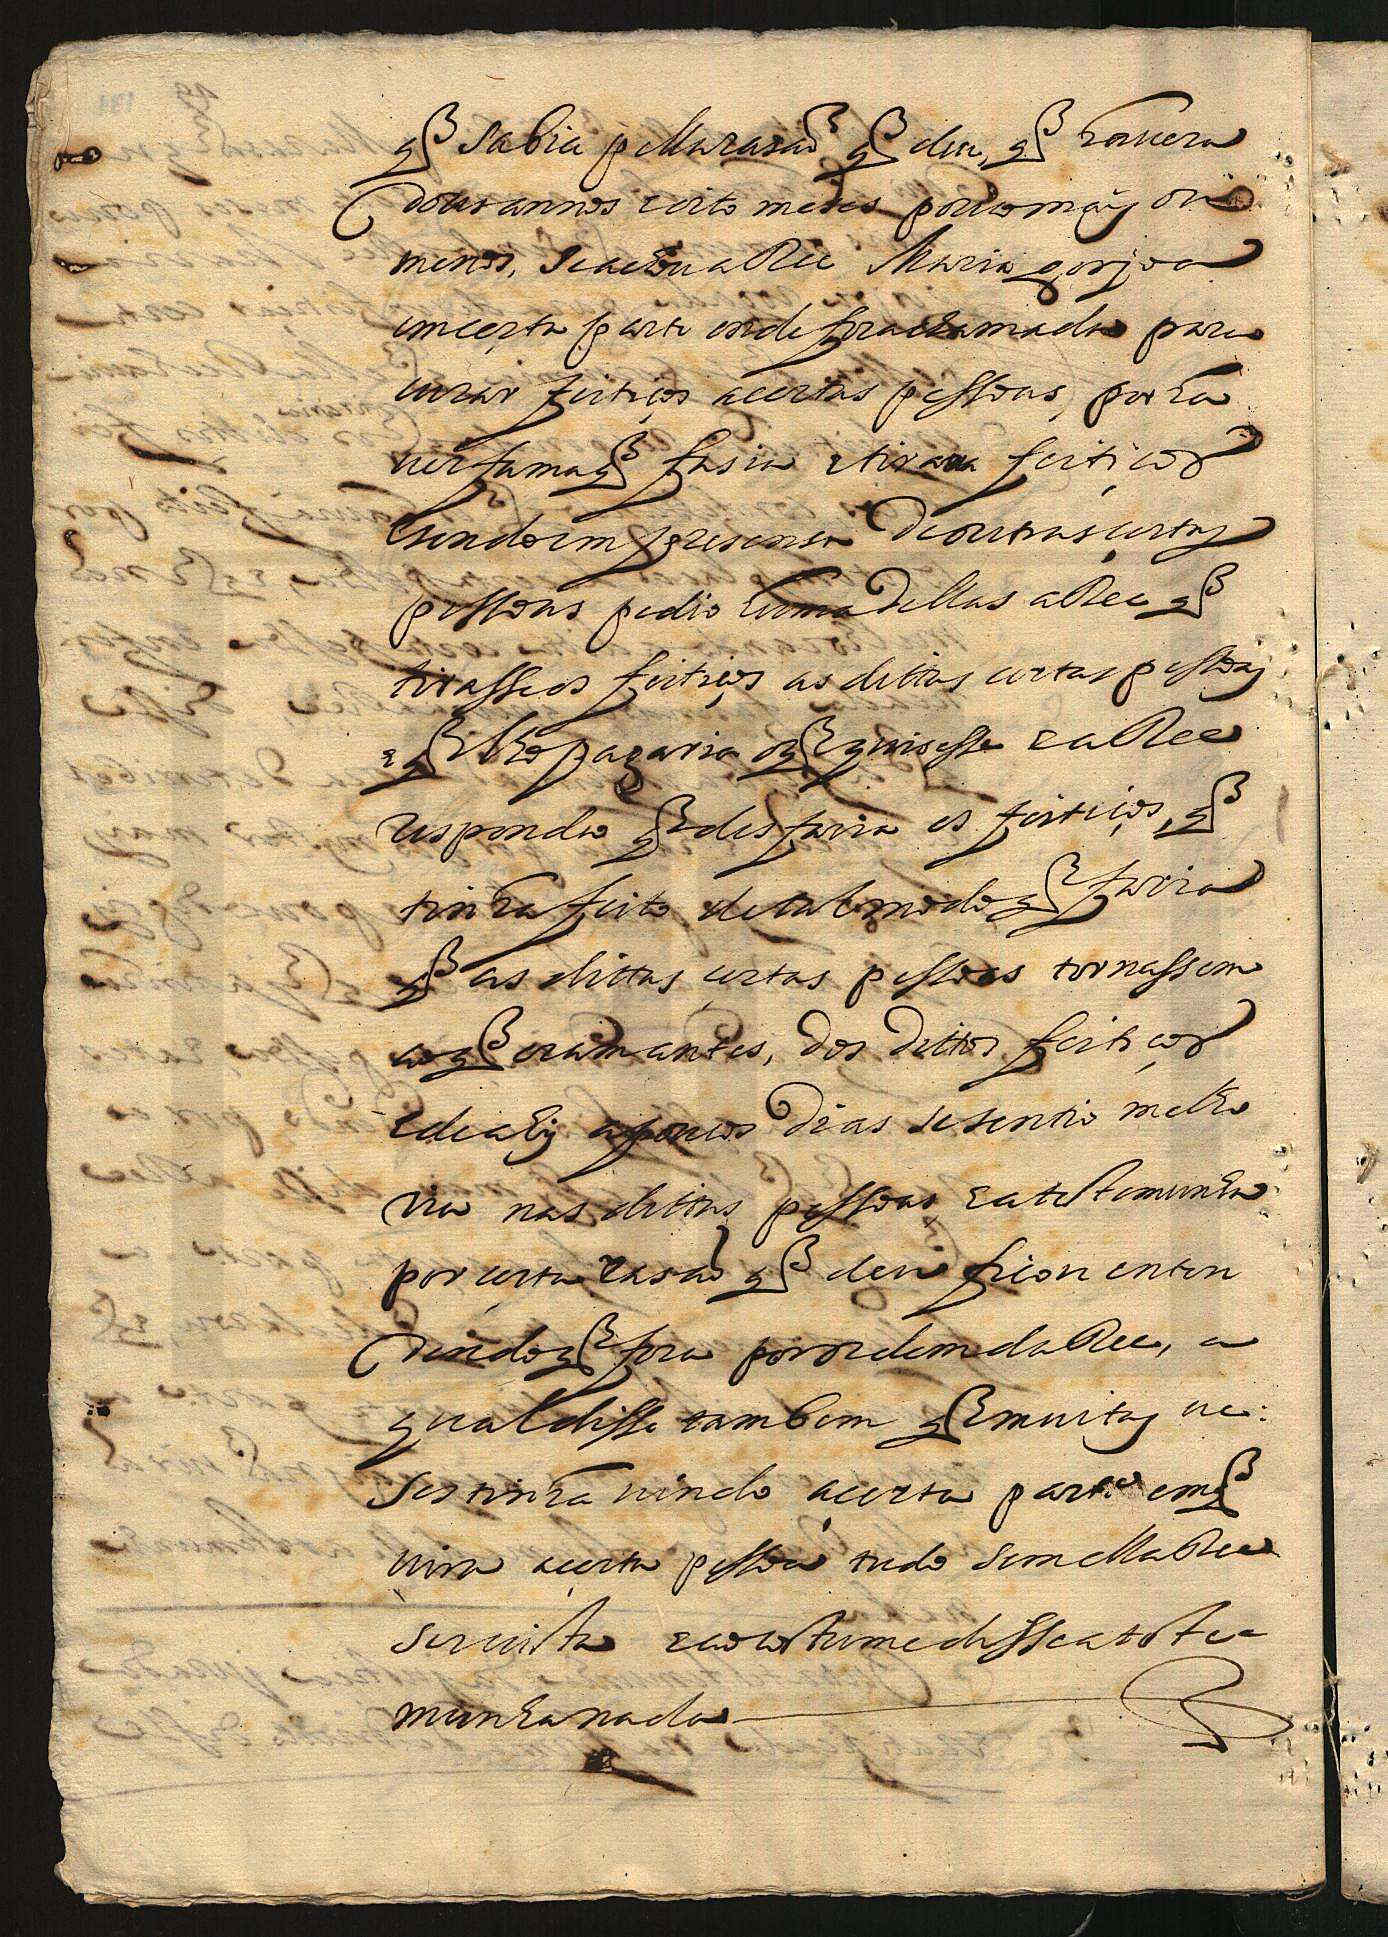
q̄ sabia pella rasaõ q̄ dise, q̄ hauera
dous annos e oito meses pouco mais ou
menos, se achou a Ree Maria gorjoa
em certa parte onde fora chamada para
curar feitiços a certas pessoas, por ha
uer fama q̄ fasia E tiraua feitiços
e sendo em presensa de outras certas
pessoas pedio huma dellas a Ree q̄
tirasse os feitiços as dittas certas pessoas
E q̄ lho pagaria o q̄ quisesse E a Ree
respondeo q̄ desfaria os feitiços, q̄
tinha feito de tal modo q̄ faria
q̄ as dittas certas pessoas tornassem
ao q̄ eram antes, dos dittos feitiços
E de ahy a poucos dias se sentio melho
ria nas dittas pessoas, E a testemunha
por certa rasaõ q̄ deu ficou enten
dendo q̄ fora por ordem da Ree, a
qual disse tambem q̄ muitas ue
ses tinha uindo a certa parte em q̄
uira a certa pessoa tudo sem ella Ree
ser uista E ao custume disse a teste
munha nada
